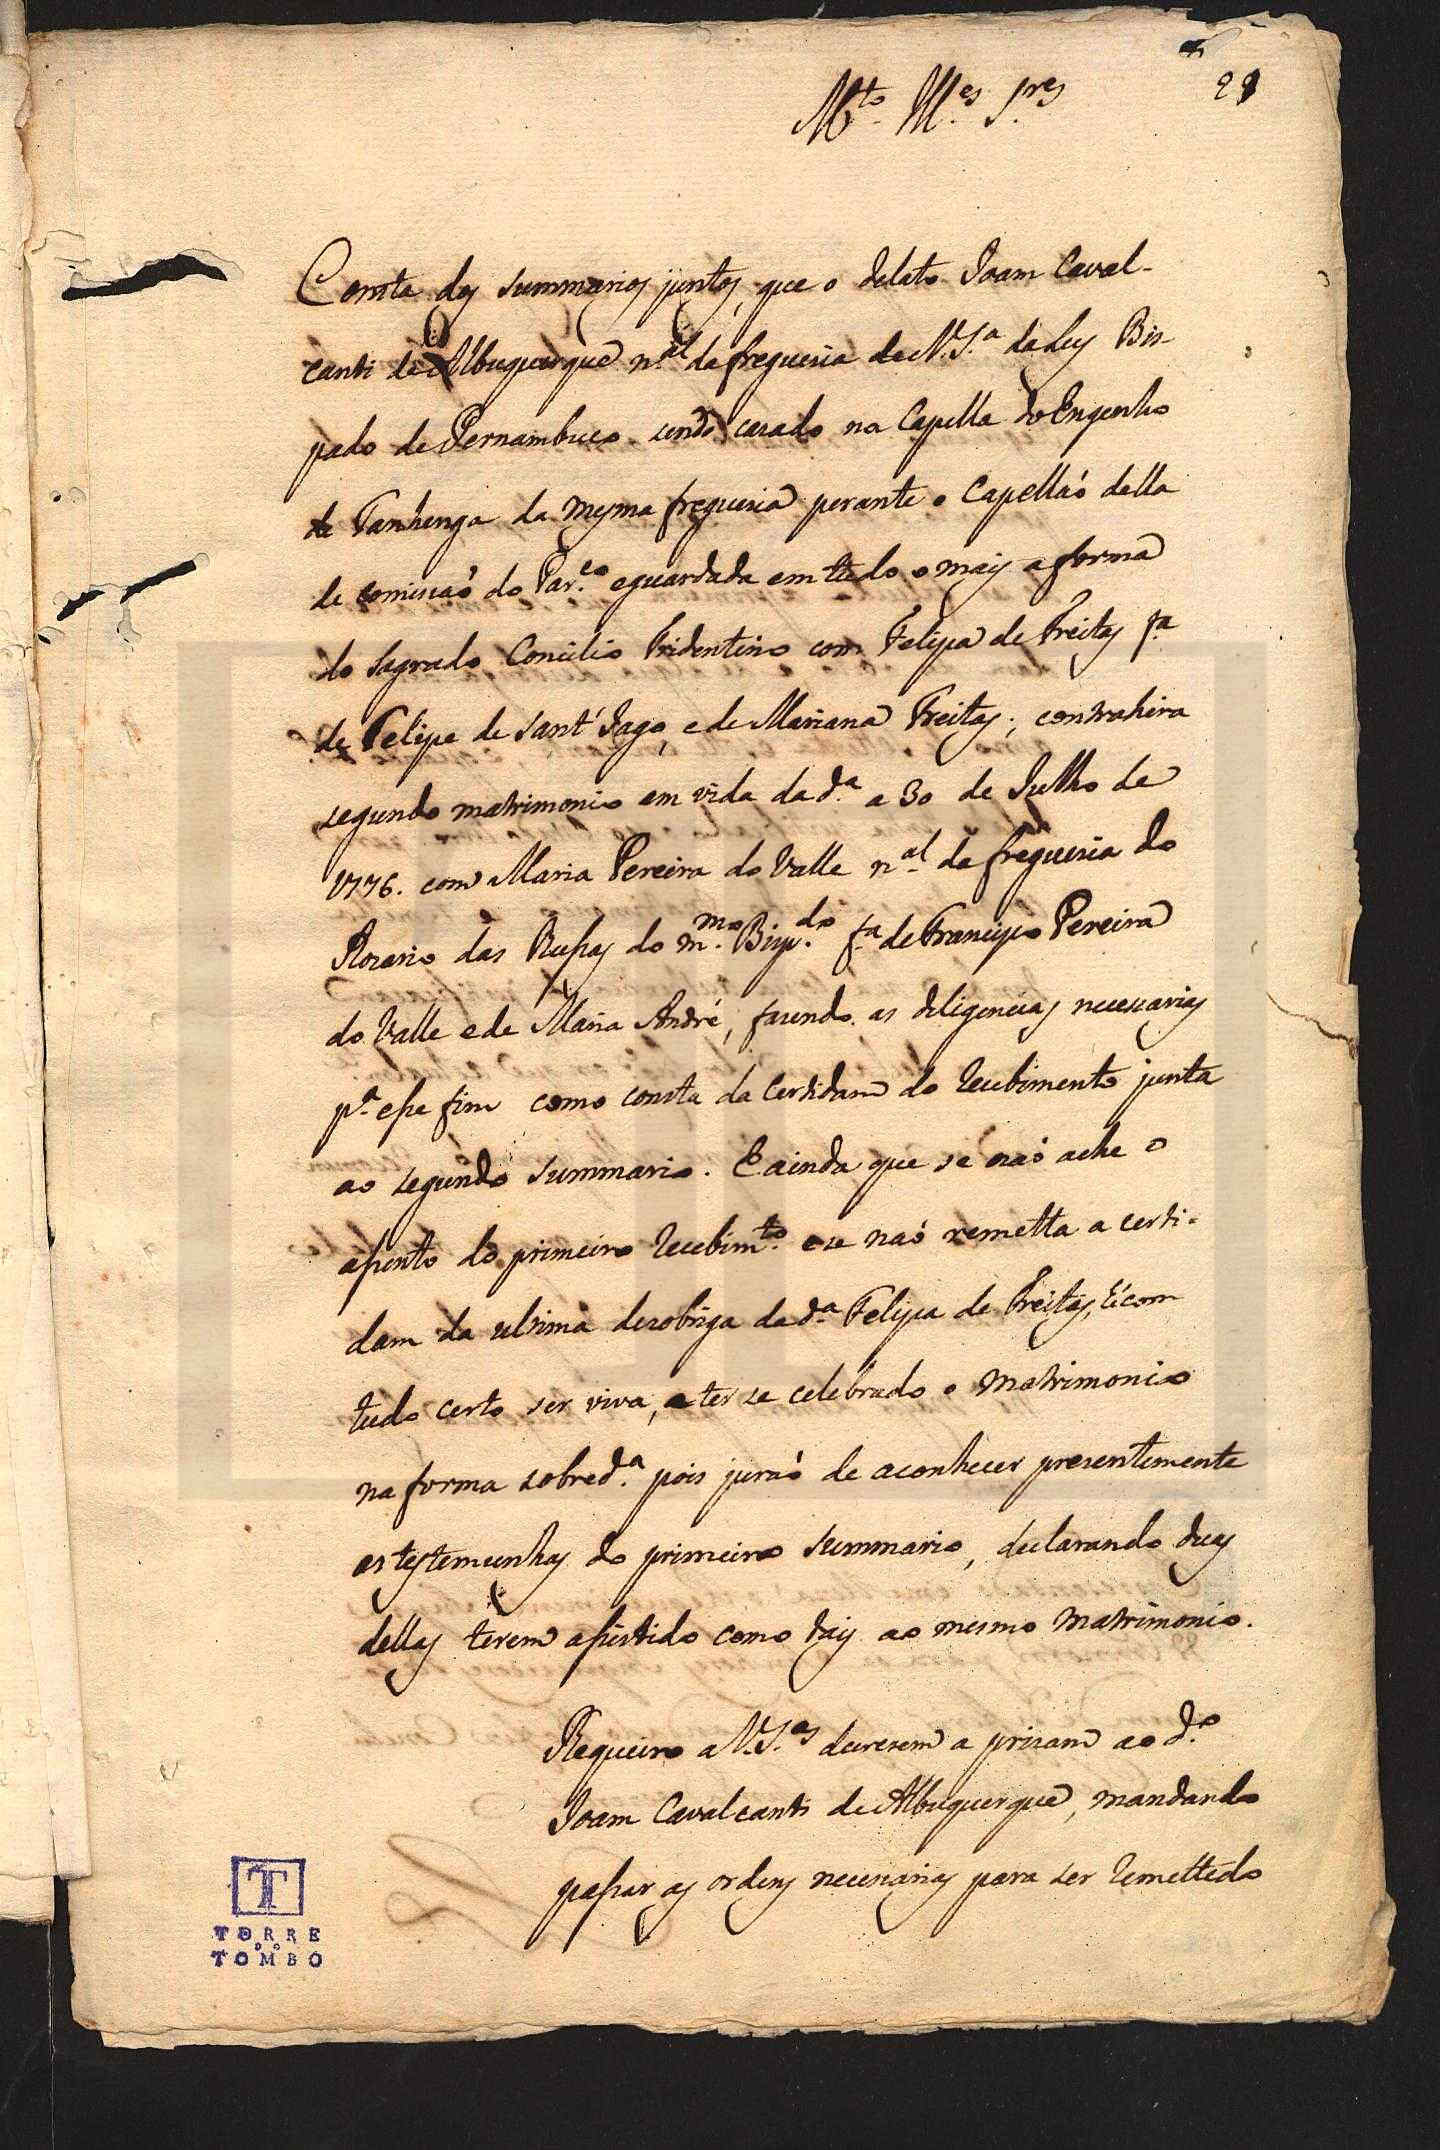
M.to Ill.es S.res
Consta dos summarios juntos, que o delato Ioam Caval
canti de Albuquerque n.al da freguezia de N. S.a da Lus Bis
pado de Pernambuco sendo cazado na Capella do Engenho
de Tanhenga da mesma freguezia perante o Capellaõ della
de comissaõ do Par.co e guardada em tudo o mais a forma
do Sagrado Concilio Tridentino com Felipa de Freitas f.a
de Felipe de Sant'Iago, e de Mariana Freitas; contrahira
segundo matrimonio em vida da d.a a 30 de Iulho de
1776. com Maria Pereira do Valle n.al da freguezia do
Rozario das Rusas do m.mo Bisp.do f.a de Francisco Pereira
do Valle e de Maria André, fazendo as diligencias necessarias
p.a esse fim como consta da certidam do Recebimento junta
ao segundo summario. E ainda que se naõ ache o
assento do primeiro Recebim.to e se naõ remetta a certi
dam da ultima desobriga da d.a Felipa de Freitas, hé com
tudo certo ser viva, e ter se celebrado o matrimonio
na forma sobred.a pois juraõ de a conhecer prezentemente
as testemunhas do primeiro summario, declarando duas
dellas terem assistido como tais ao mesmo matrimonio.
Requeiro a V. S.as decretem a prizam ao d.o
Ioam Cavalcanti de Albuquerque, mandando
passar as ordens necessarias para ser Remettido
